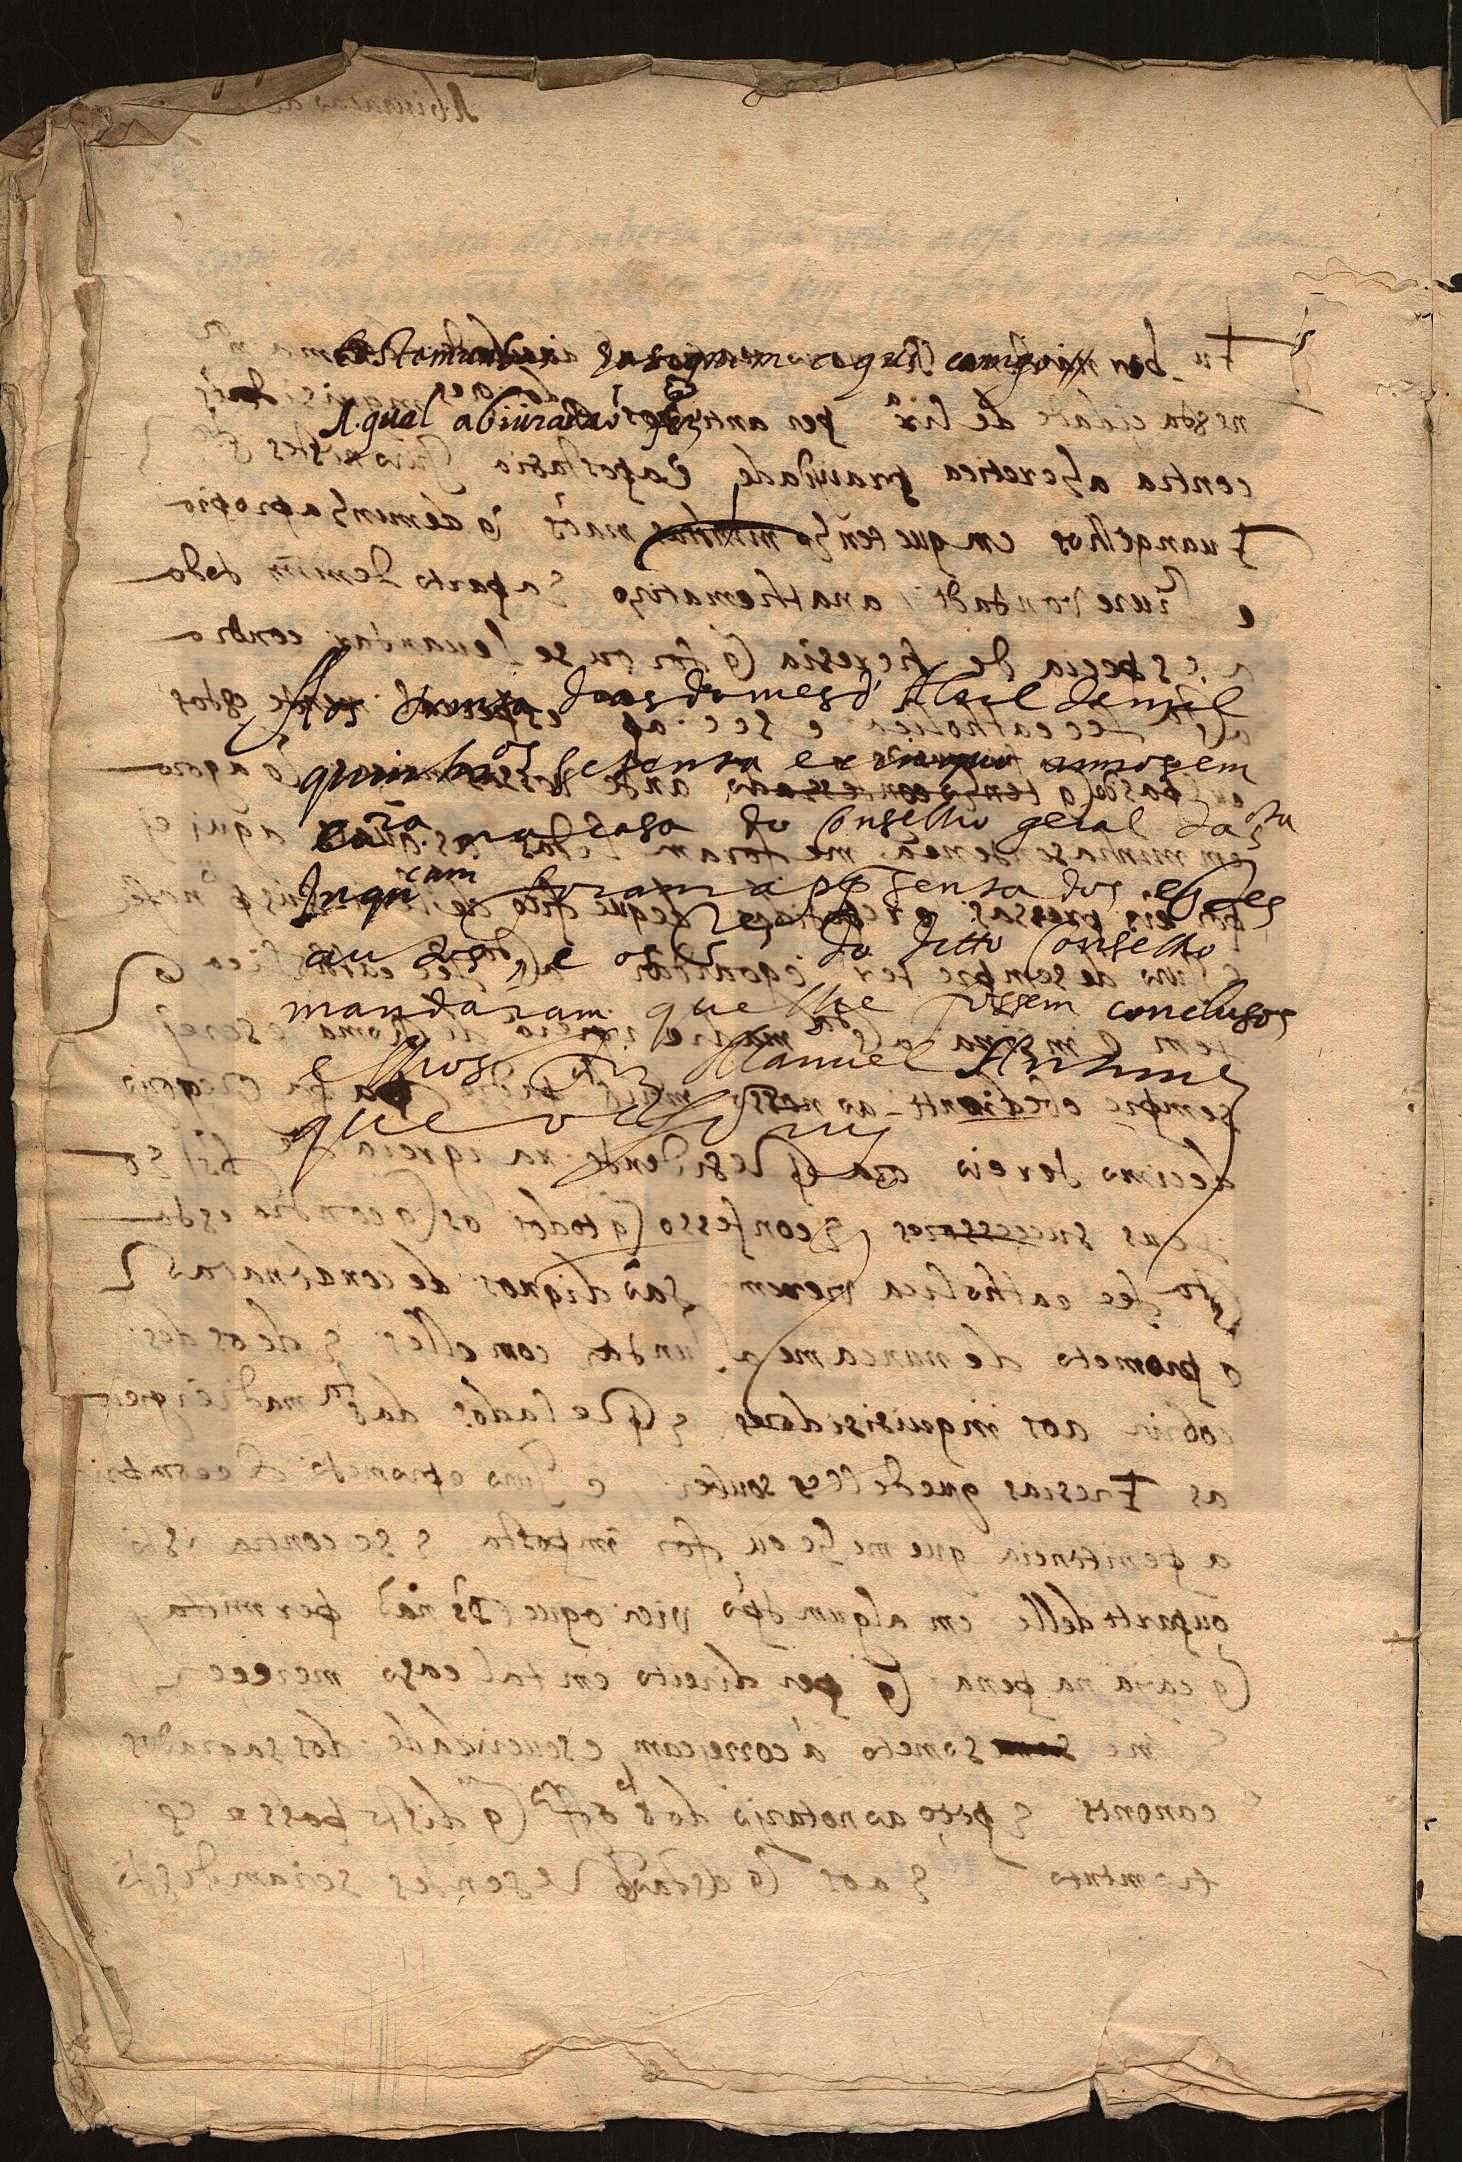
testemunhas E asignem aqui comigo //
A qual abiuraçaõ fez
Aos trinta dias do mes d'Abril de mil
quinhtos setenta e cinquo annos em
eura na casa do Conselho geral da scta
Jnquçam foram app̄sentados estes
autos, e os Sres do ditto Conselho
mandaram que lhe fossem conclusos
e lhos fiz Manuel Antunez
que o escruy
